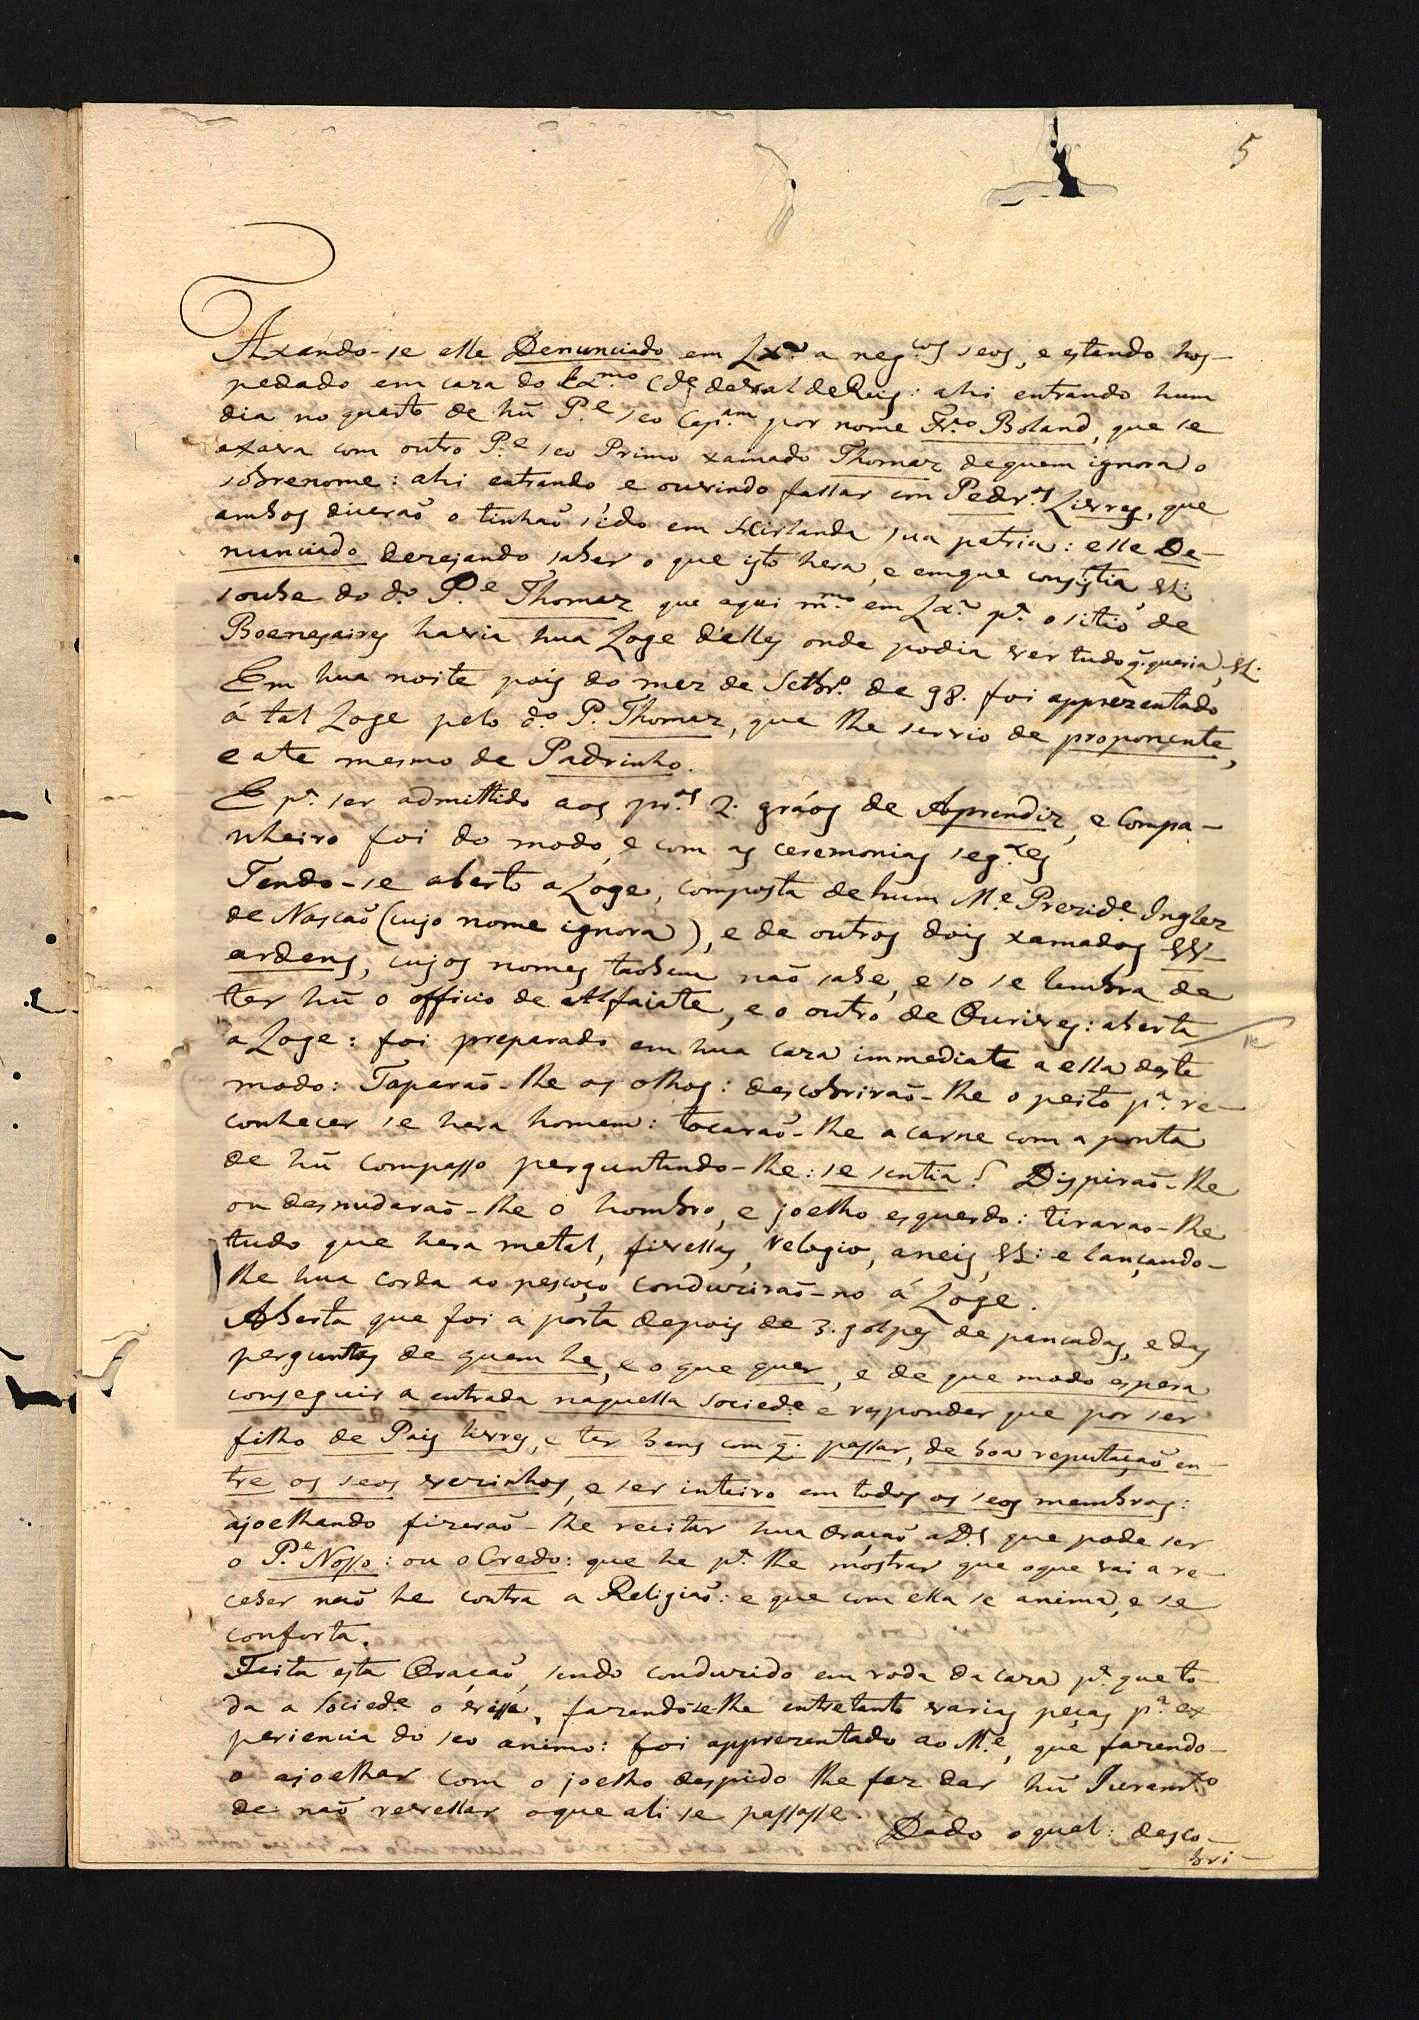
Axando-se elle Denunciado em Lx.a a nes.tos seos, e estando hos
pedado em caza do Ex.mo C.de do Val de Reis: ahi entrando hum
dia no quarto de hū P.e seo Cap.am por nome Fr.co Boland, que se
axava com outro P.e seo Primo xamado Thomaz de quem ignora o
sobrenome: ahi entrando e ouvindo fallar em Pedr.os Livres, que
ambos diceraõ o tinhaõ sido em Hirlanda sua patria: elle De
nunciado dezejando saber o que isto hera, e em que consistia &c.
soube do d.o P.e Thomaz que aqui m.mo em Lx.a p.a o sitio de
Boenosaires havia huā Loge d'elles onde podia ver tudo q̄ queria, &c.
Em hua noite pois do mez de Setbr.o de 98. foi apprezentado
á tal Loge pelo d.o P.e Thomaz, que lhe servio de proponente,
e ate mesmo de Padrinho.
E p.a ser admittido aos pr.os 2. gráos de Aprendiz, e Compa
nheiro foi do modo, e com as ceremonias seg.tes
Tendo-se aberto a Loge composta de hum M.e Prezid.e Inglez
de Nascaõ (cujo nome ignora), e de outros dois xamados &c.
ordens, cujos nomes taobem naõ sabe, e só se lembra de
ter hū o officio de Alfaiate, e o outro de Ourives: aberta
a Loge: foi preparado em hua caza immediata a ella deste
modo: Taparaõ-lhe os olhos: descobriraõ-lhe o peito p.a re
conhecer se hera homem: tocaraõ-lhe a carne com a ponta
de hū compasso perguntado-lhe: se sentia? Dispiraõ-lhe
ou desnudaraõ-lhe o hombro, e joelho esquerdo: tirarao-lhe
ttudo que hera metal, fivellas, relogio, aneis, &c e lançando
lhe huā corda ao pescoço conduziraõ-no á Loge.
Aberta que foi a porta depois de 3. golpes de pancadas, e das
perguntas de quem he, e o que quer, e de que modo espera
conseguir a entrada naquella socied.e e responder que por ser
filho de Pais livres, e ter bens com q̄ passar, de boa reputaçaõ en
tre os seos vezinhos, e ser inteiro em todos os seos membros:
ajoelhando fizeraõ-lhe recitar hua oraçaõ a D.s que pode ser
o P.e Nosso: ou o Credo: que he p.a lhe mostrar que o que vai a re
ceber naõ he contra a Religiaõ: e que com ella se anima, e se
conforta.
Feita esta Oraçaõ, sendo conduzido em roda de caza p.a que to
da a socied.e o visse, fazendo-se-lhe entretanto varias peças p.a ex
periencia do seo animo: foi apprezentado ao M.e, que fazendo
o ajoelhar com o joelho despido lhe fez dar hū Iuram.to
de naõ revellar o que ali se passasse. Dado o qual: desco
bri
5
